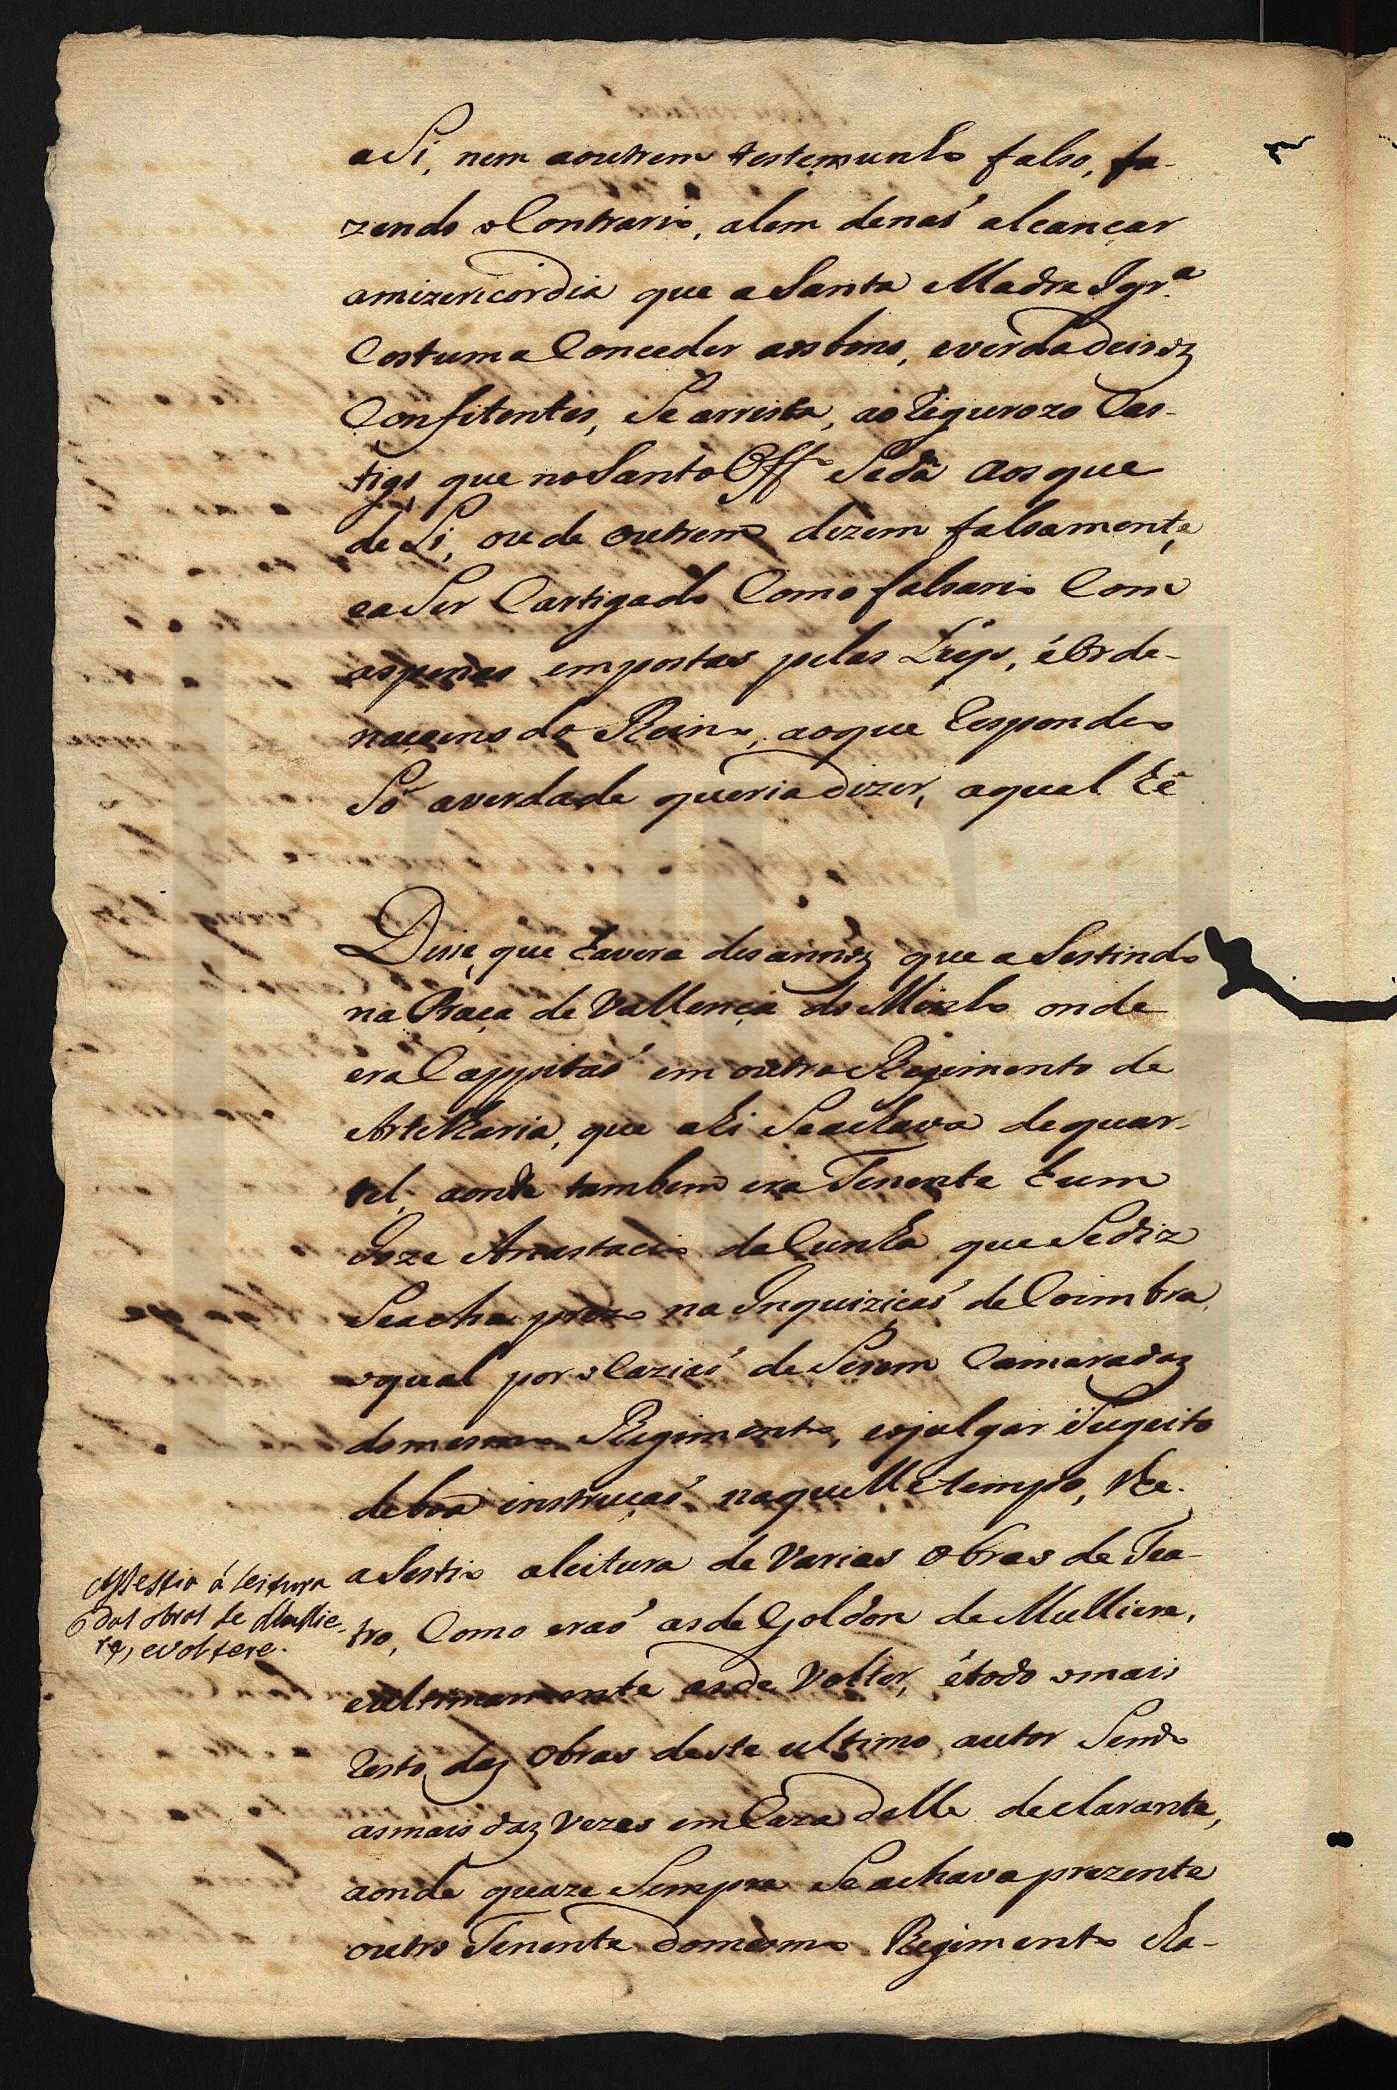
a Si, nem a outrem testemunho falso, fa
zendo o Contrario, alem de naõ alcançar
a mizericordia que a Santa Madre Igr.a
Costuma Conceder aos bons, e verdadeiroz
Confitentes, Se arrisca, ao Rigurozo Cas
tigo que no Santo Offo Se dá aos que
de Si, ou de outrem dizem falsamente,
e a Ser Castigado Como falsario Com
as penas empostas pelas Leys, e Orde
naçoens do Reino, ao que respondeo
Só a verdade queria dizer, a qual hê
Disse, que havera des annoz que aSestindo
na Praça de Vallença do Minho onde
era Cappitaõ em outro Regimento de
Artelharia, que ahi Se achava de quar
tel, aonde tambem era Tenente hum
Ioze Anastacio da Cunha que se diz
Se acha prezo na Inquiziçaõ de Coimbra
o qual por oCaziaõ de Serem Camaradaz
do mesmo Regimento, e o julgar Sugeito
de boa instruçaõ naquelle tempo, lhe
aSestio a leitura de Varias obras de Tea
Assestia á Leitura
das obras de Mollie
re, e voltere.
tro, Como eraõ as de Goldon de Mulliere,
e ultimamente as de Volter, é todo o mais
resto daz obras deste ultimo autor Sendo
as mais daz vezes em Caza delle declarante,
aonde quaze Sempre Se achava prezente
outro Tenente do mesmo Regimento cha
